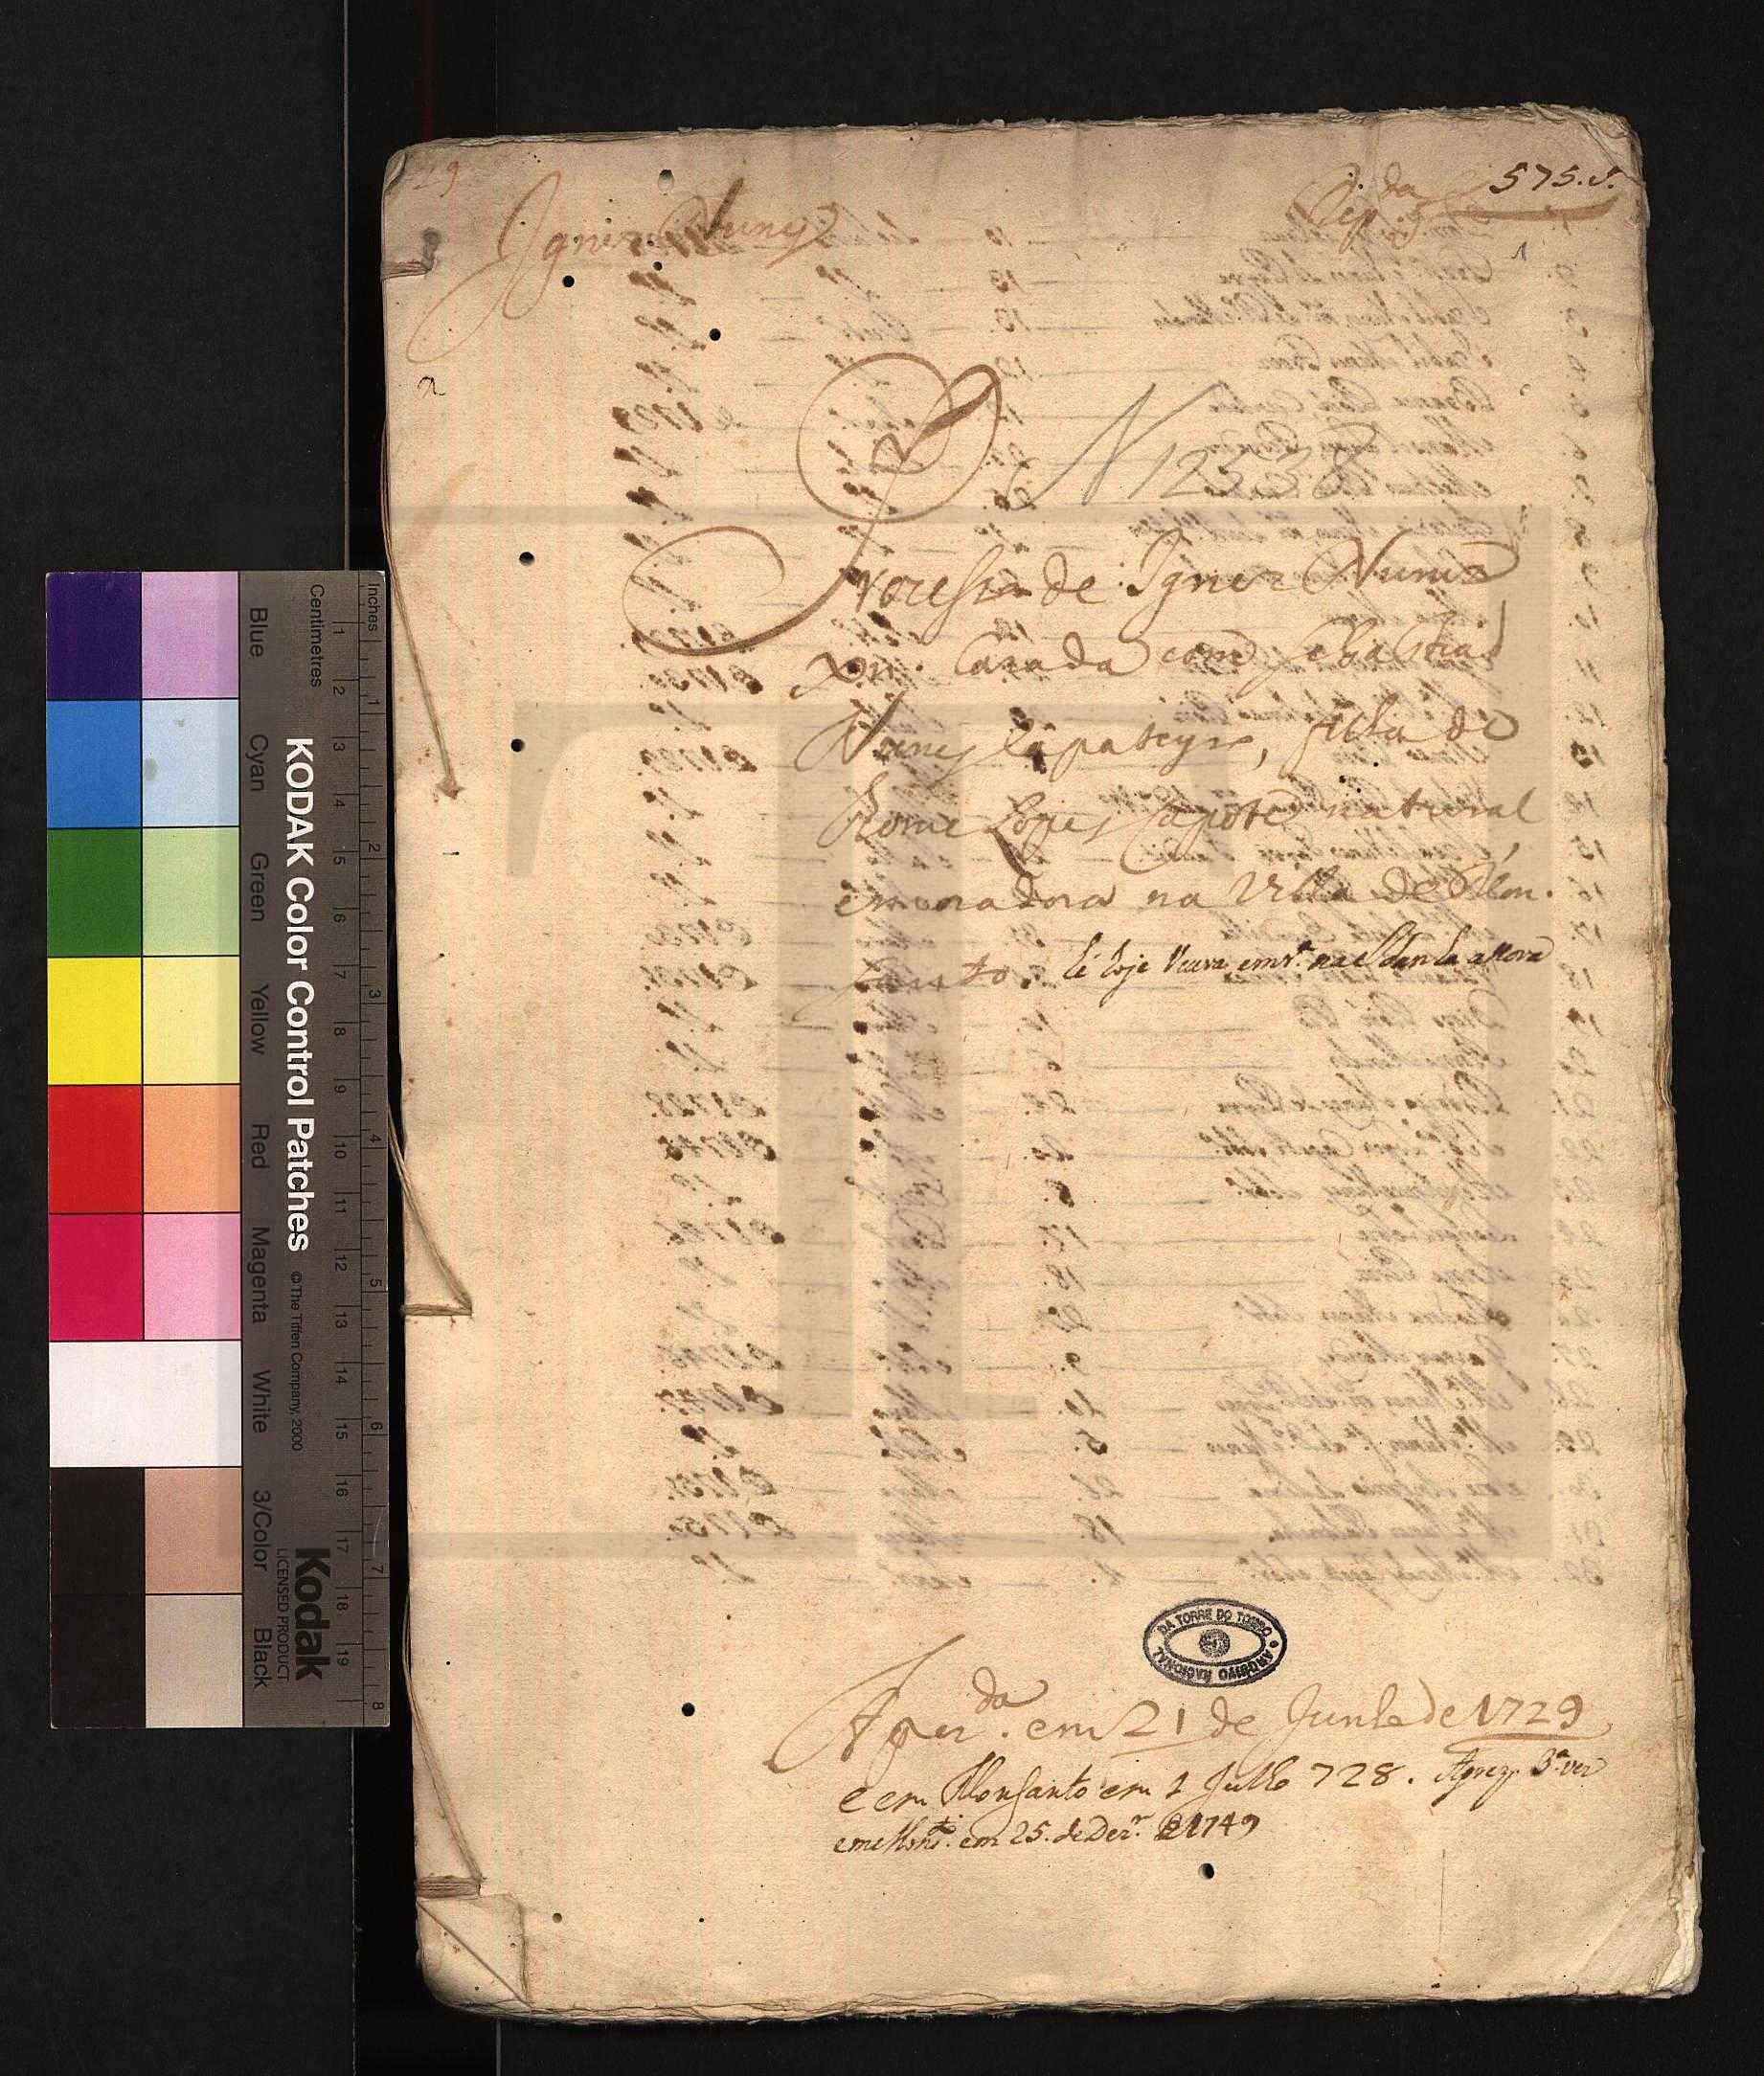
Jgnez Nunes
Repda 575.v.
Processo de Ignez Nuniz
x. n. cazada com sebastiaõ
Nunes Capateyro, filha de
Thome Lopes Capote natural
e moradora na Villa de Mon
santo hé hoje Veuva e mr.a na Idanha a Nova
Aprezda. em 21 de Junho de 1729
e em Monsanto em 1 Julho 728. Aprez. 3.a vez
em Mons.to em 25. de Dez.r d̄ 1749
